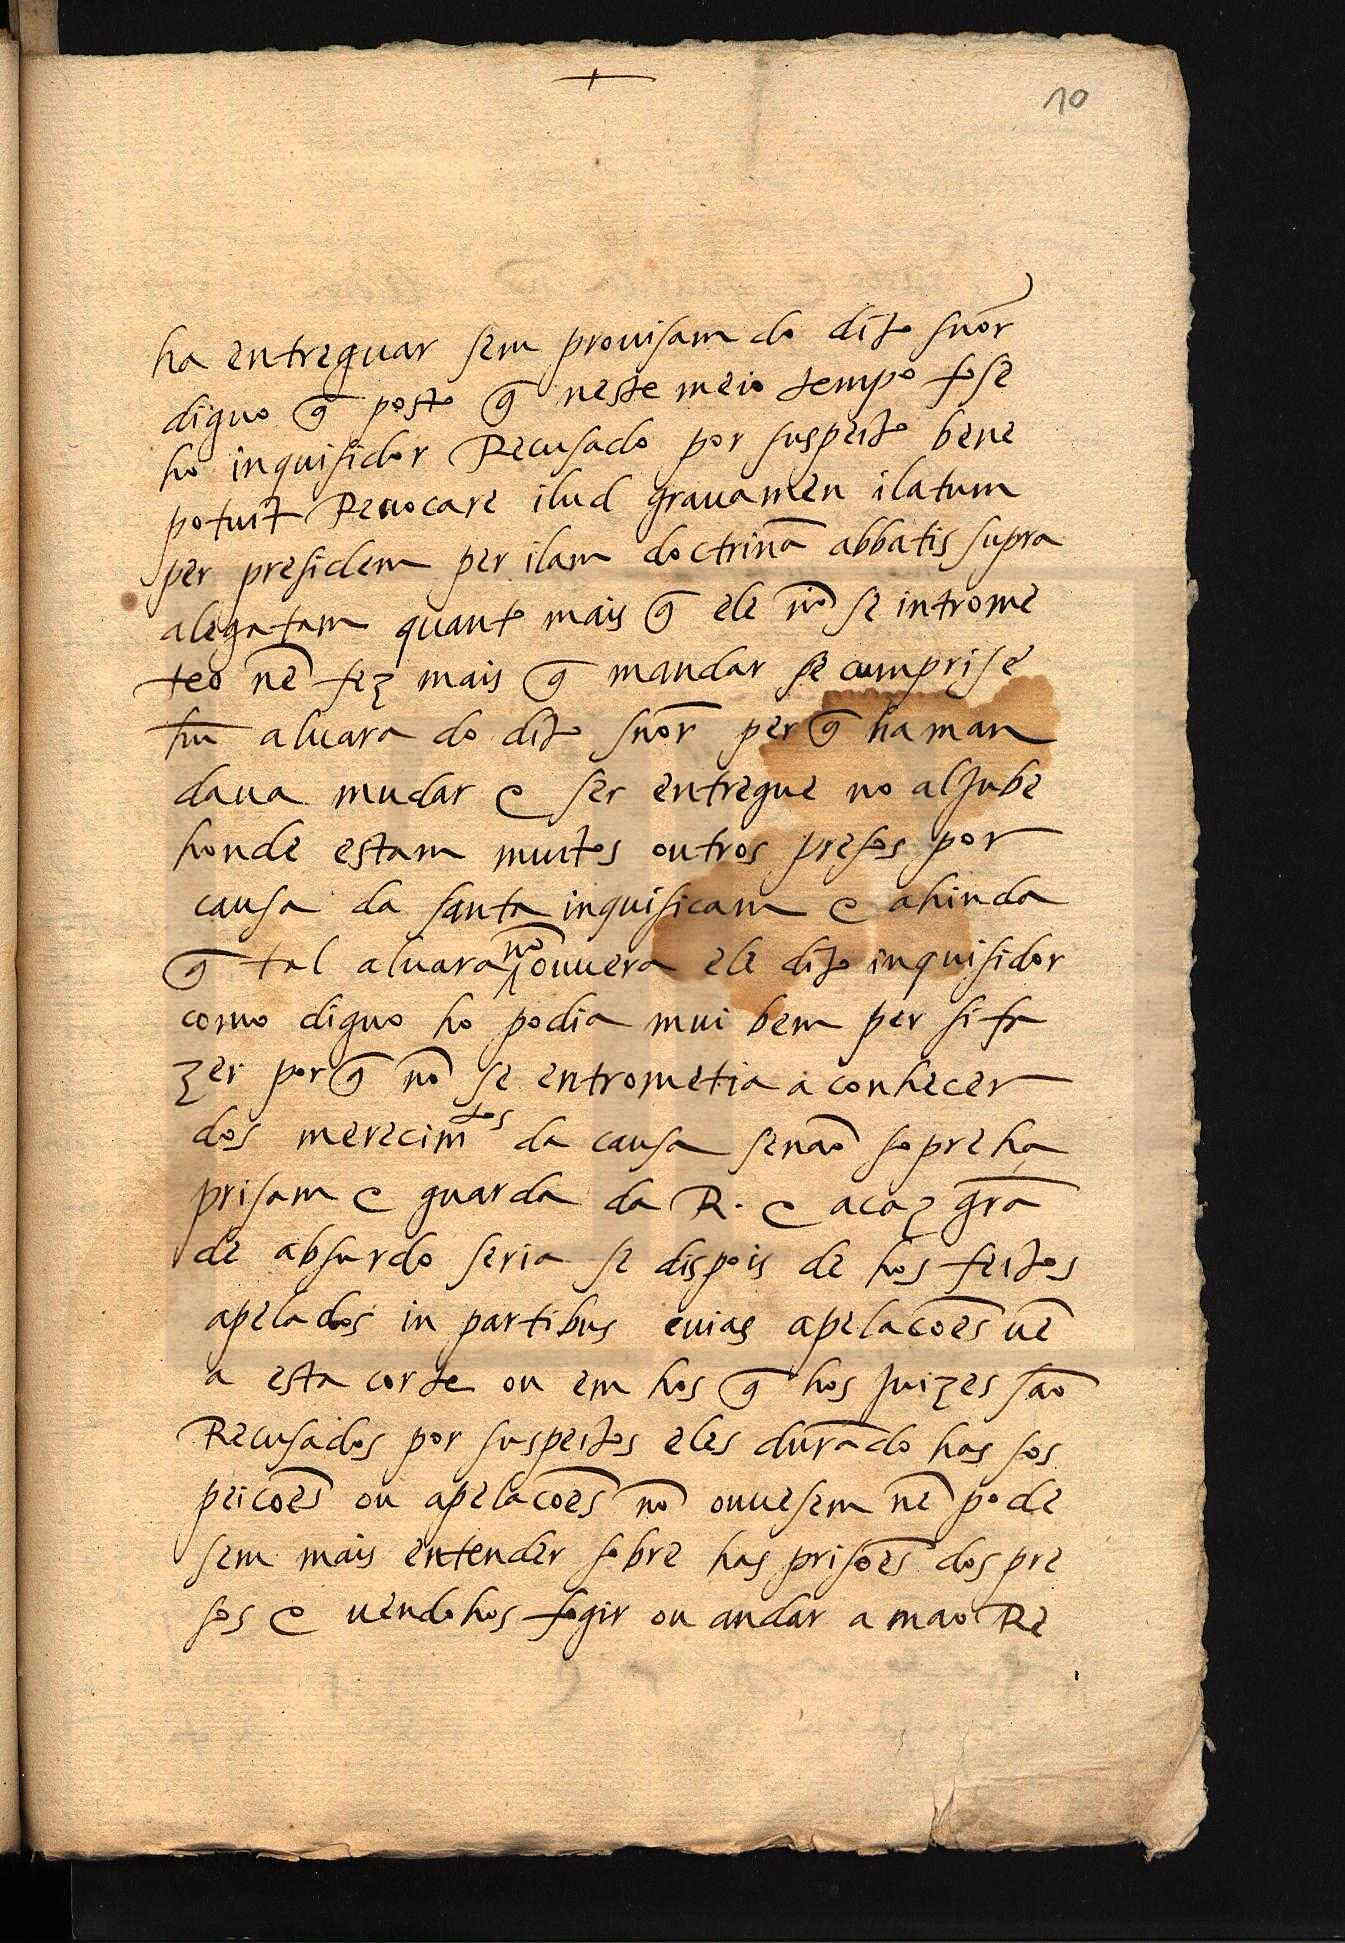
ha entreguar sem prouisam do dito snor̄
diguo q̄ posto q̄ neste medio tempo fose
ho inquisidor Recusado por suspeito bene
potuit Reuocare ilud grauamen ilatum
per presidem per ilam doctrinā abbatis supra
alegatam quanto mais q̄ ele nō se introme
teo nē fez mais q̄ mandar se cumprise
hū aluara do dito snor̄ per q̄ ha man
daua mudar e ser entregue no alJube
honde estam muitos outros presos por
causa da santa inquisiçam e ahinda
q̄ tal aluara nō ouuera ele dito inquisidor
como diguo ho podia mui bem per si fa
zer porq̄ nō se entrometia a conhecer
dos merecimtos da causa senão sopre ha
prisam e guarda da R. e açaz ḡra
de absurdo seria se dispois de hos feitos
apelados in partibus cuias apelaçoẽs uē
a esta corte ou em hos q̄ hos Juizes são
Recusados por suspeitos eles durādo has sos
peições ou apelações nō ouuesem nē pode
sem mais entender sobre has prisões dos pre
tos e uendo hos fogir ou andar a mao Re
